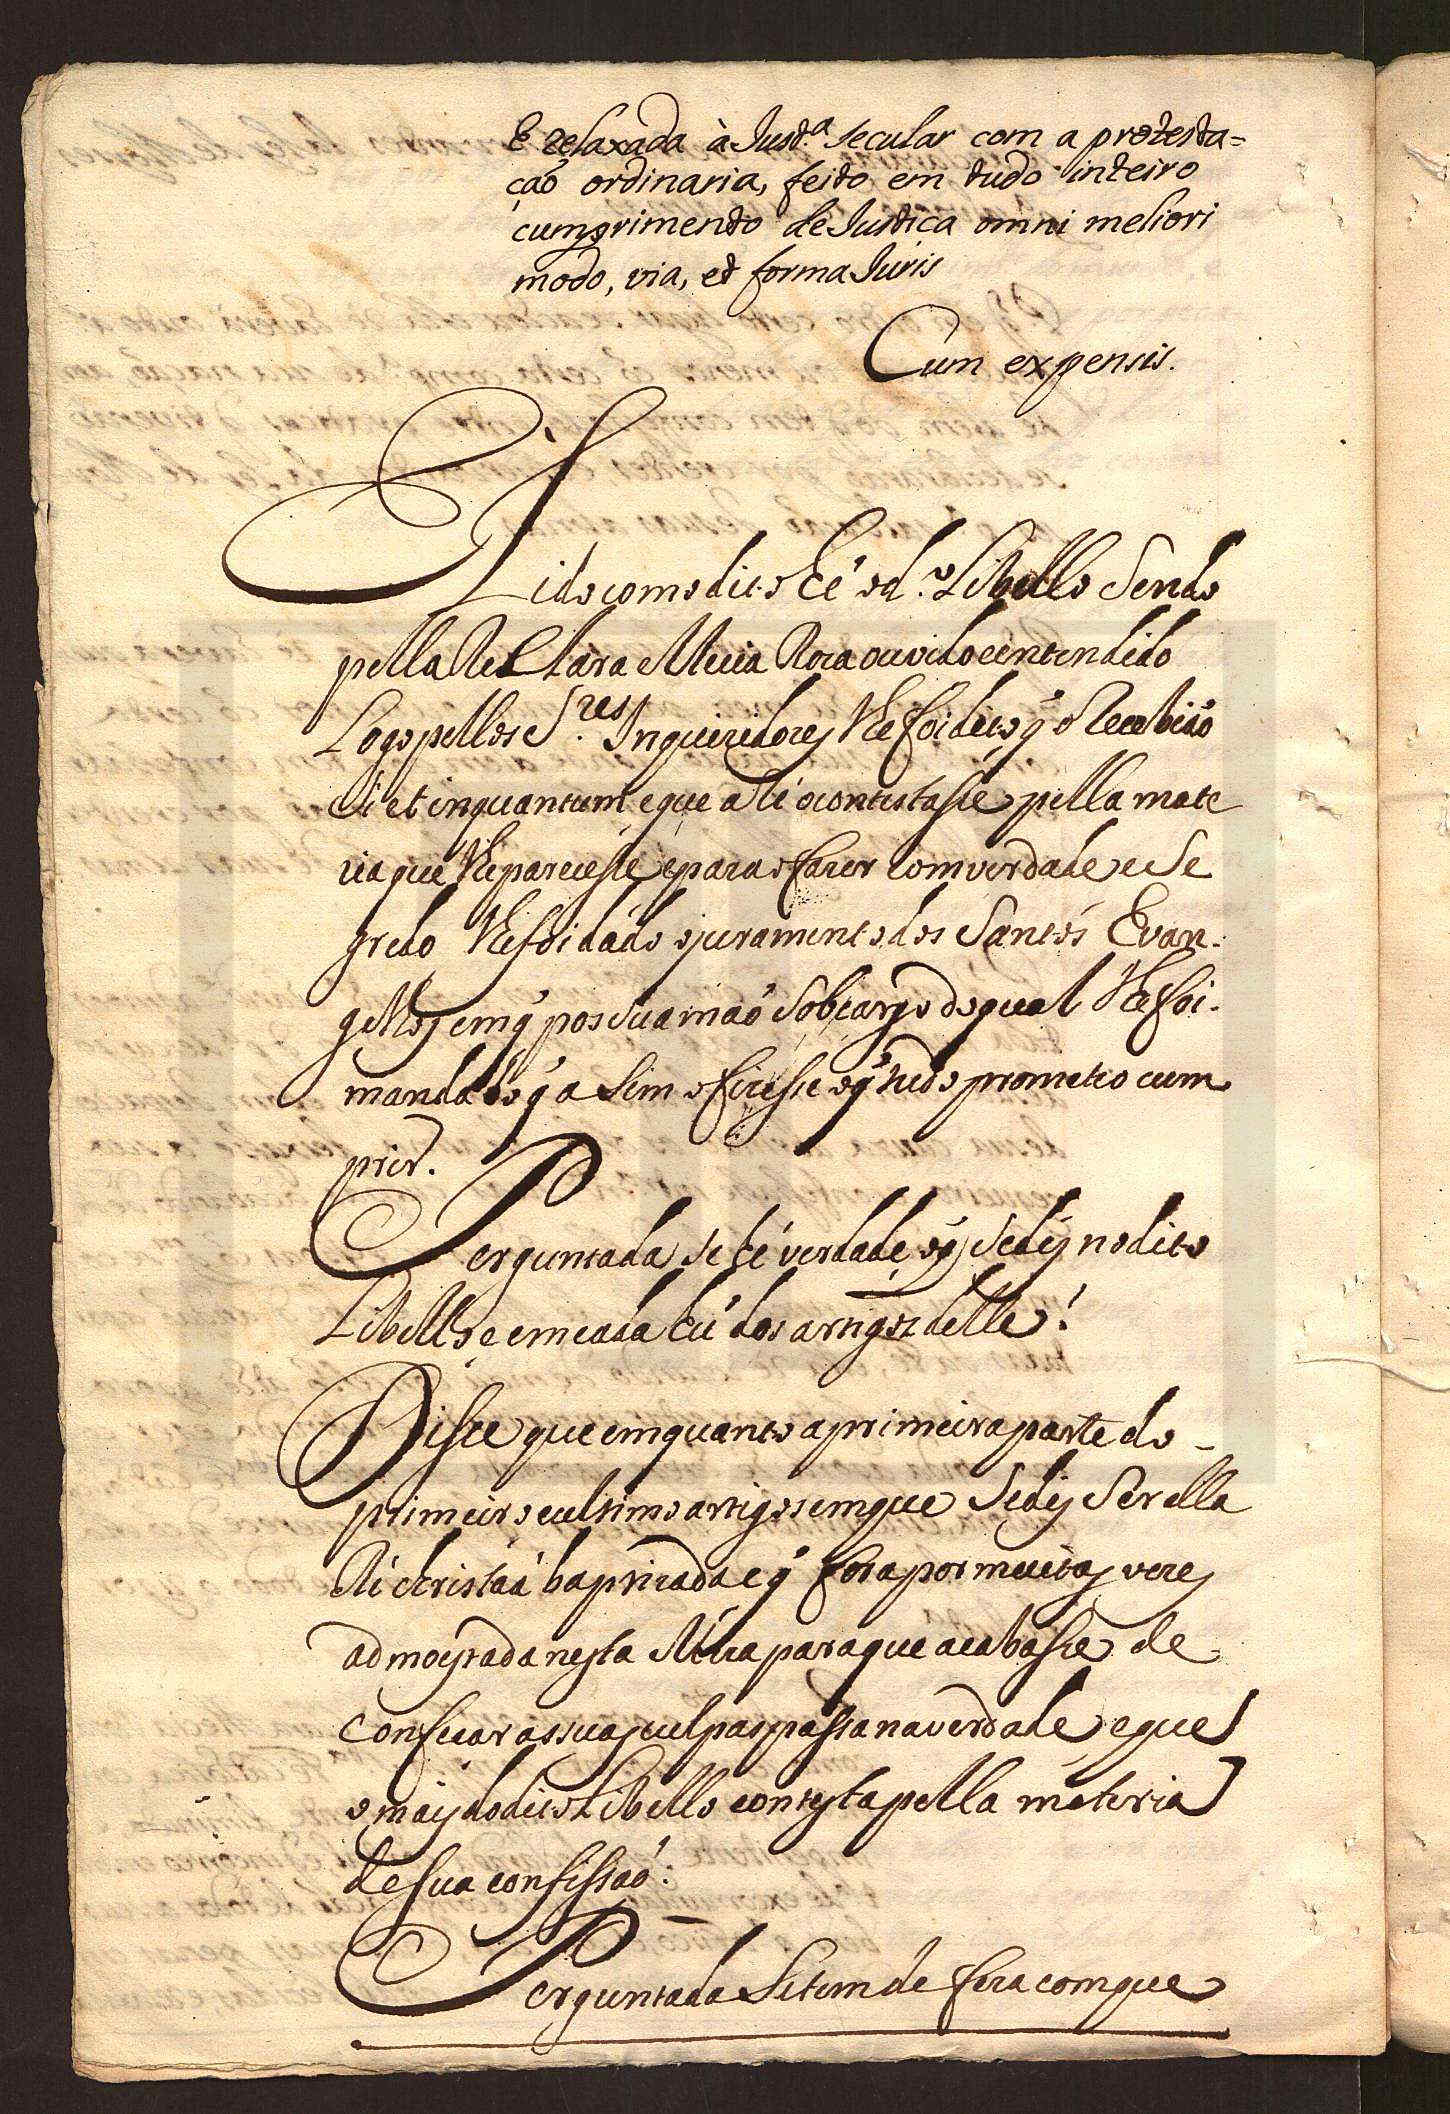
E relaxada à Iust.a secular com a protesta
çaõ ordinaria, feito em tudo inteiro
cumprimendo de Iustiça omni meliori
modo, via, et forma Iuris
Cum expensis.
E Lido como dito hé o d.o Libello Sendo
pella Re Clara Mecia Roza ouvido e entendido
Logo pellos S.res Inquizidores lhe foi dito, q̄ o Recebiaõ
Si et in quantum, e que a Ré o contestasse pella mate
ria que lhe parecesse, e para o fazer com verdade, e Se
gredo lhe foi dado o juramento dos Santos Evan
gelhos em q̄ pos sua maõ Sobcargo do qual lhe foi.
mandado q̄ aSim o fizesse o q̄ tudo prometeo cum
prir.
Perguntada, se hé verdade, o q̄ se dís no dito
Libello, e em cada hū dos artigoz delle?
Disse que emquanto a primeira parte do
primeiro e ultimo artigos em que se dis Ser ella
Rè christaã baptizada e q̄ fora por muitas vezes
admoestada nesta Meza para que acabasse de
confeçar as suas culpas passa na verdade, e que
o mais do dito Libello contesta pella materia
de sua confissaõ.
Perguntada Se tem defeza com que
